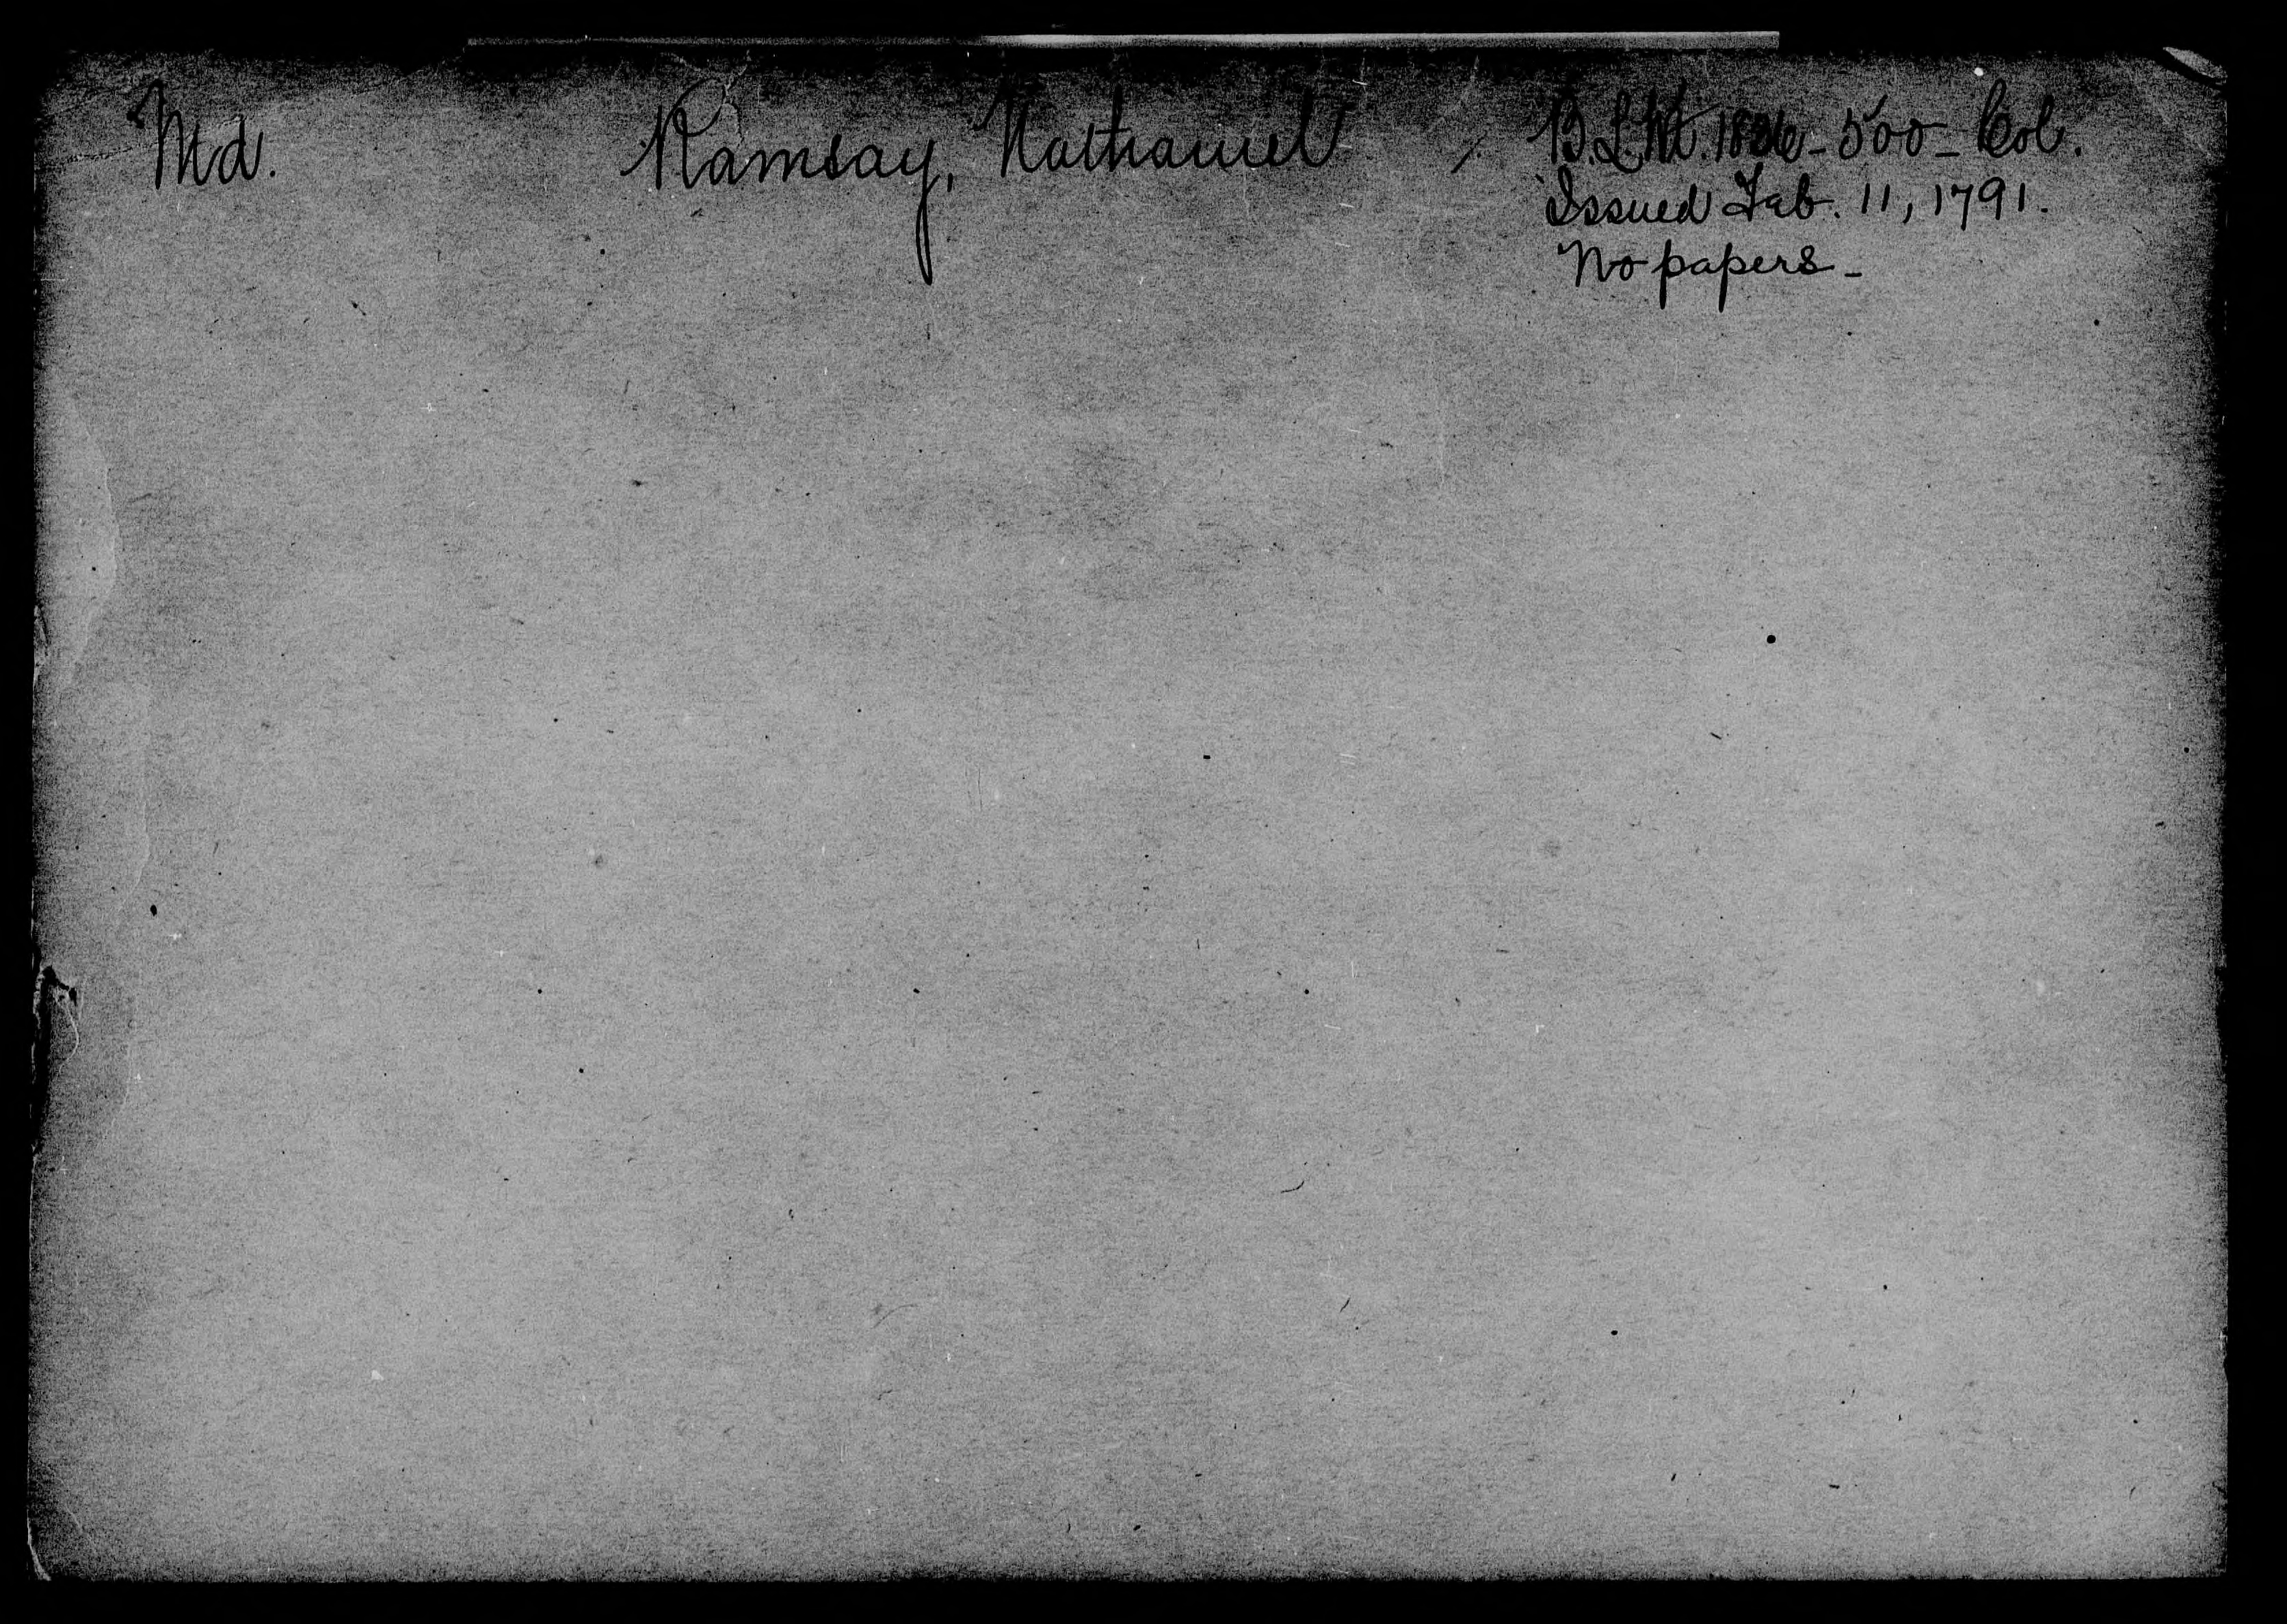Md.

Ramsay, Katharine

B.L.Wt. 1836-500-Col.
Issued Feb. 11, 1791
No papers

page: 1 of 1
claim: bounty land warrant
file: B.L.Wt. 1836-500, for Katharine Ramsay, Maryland